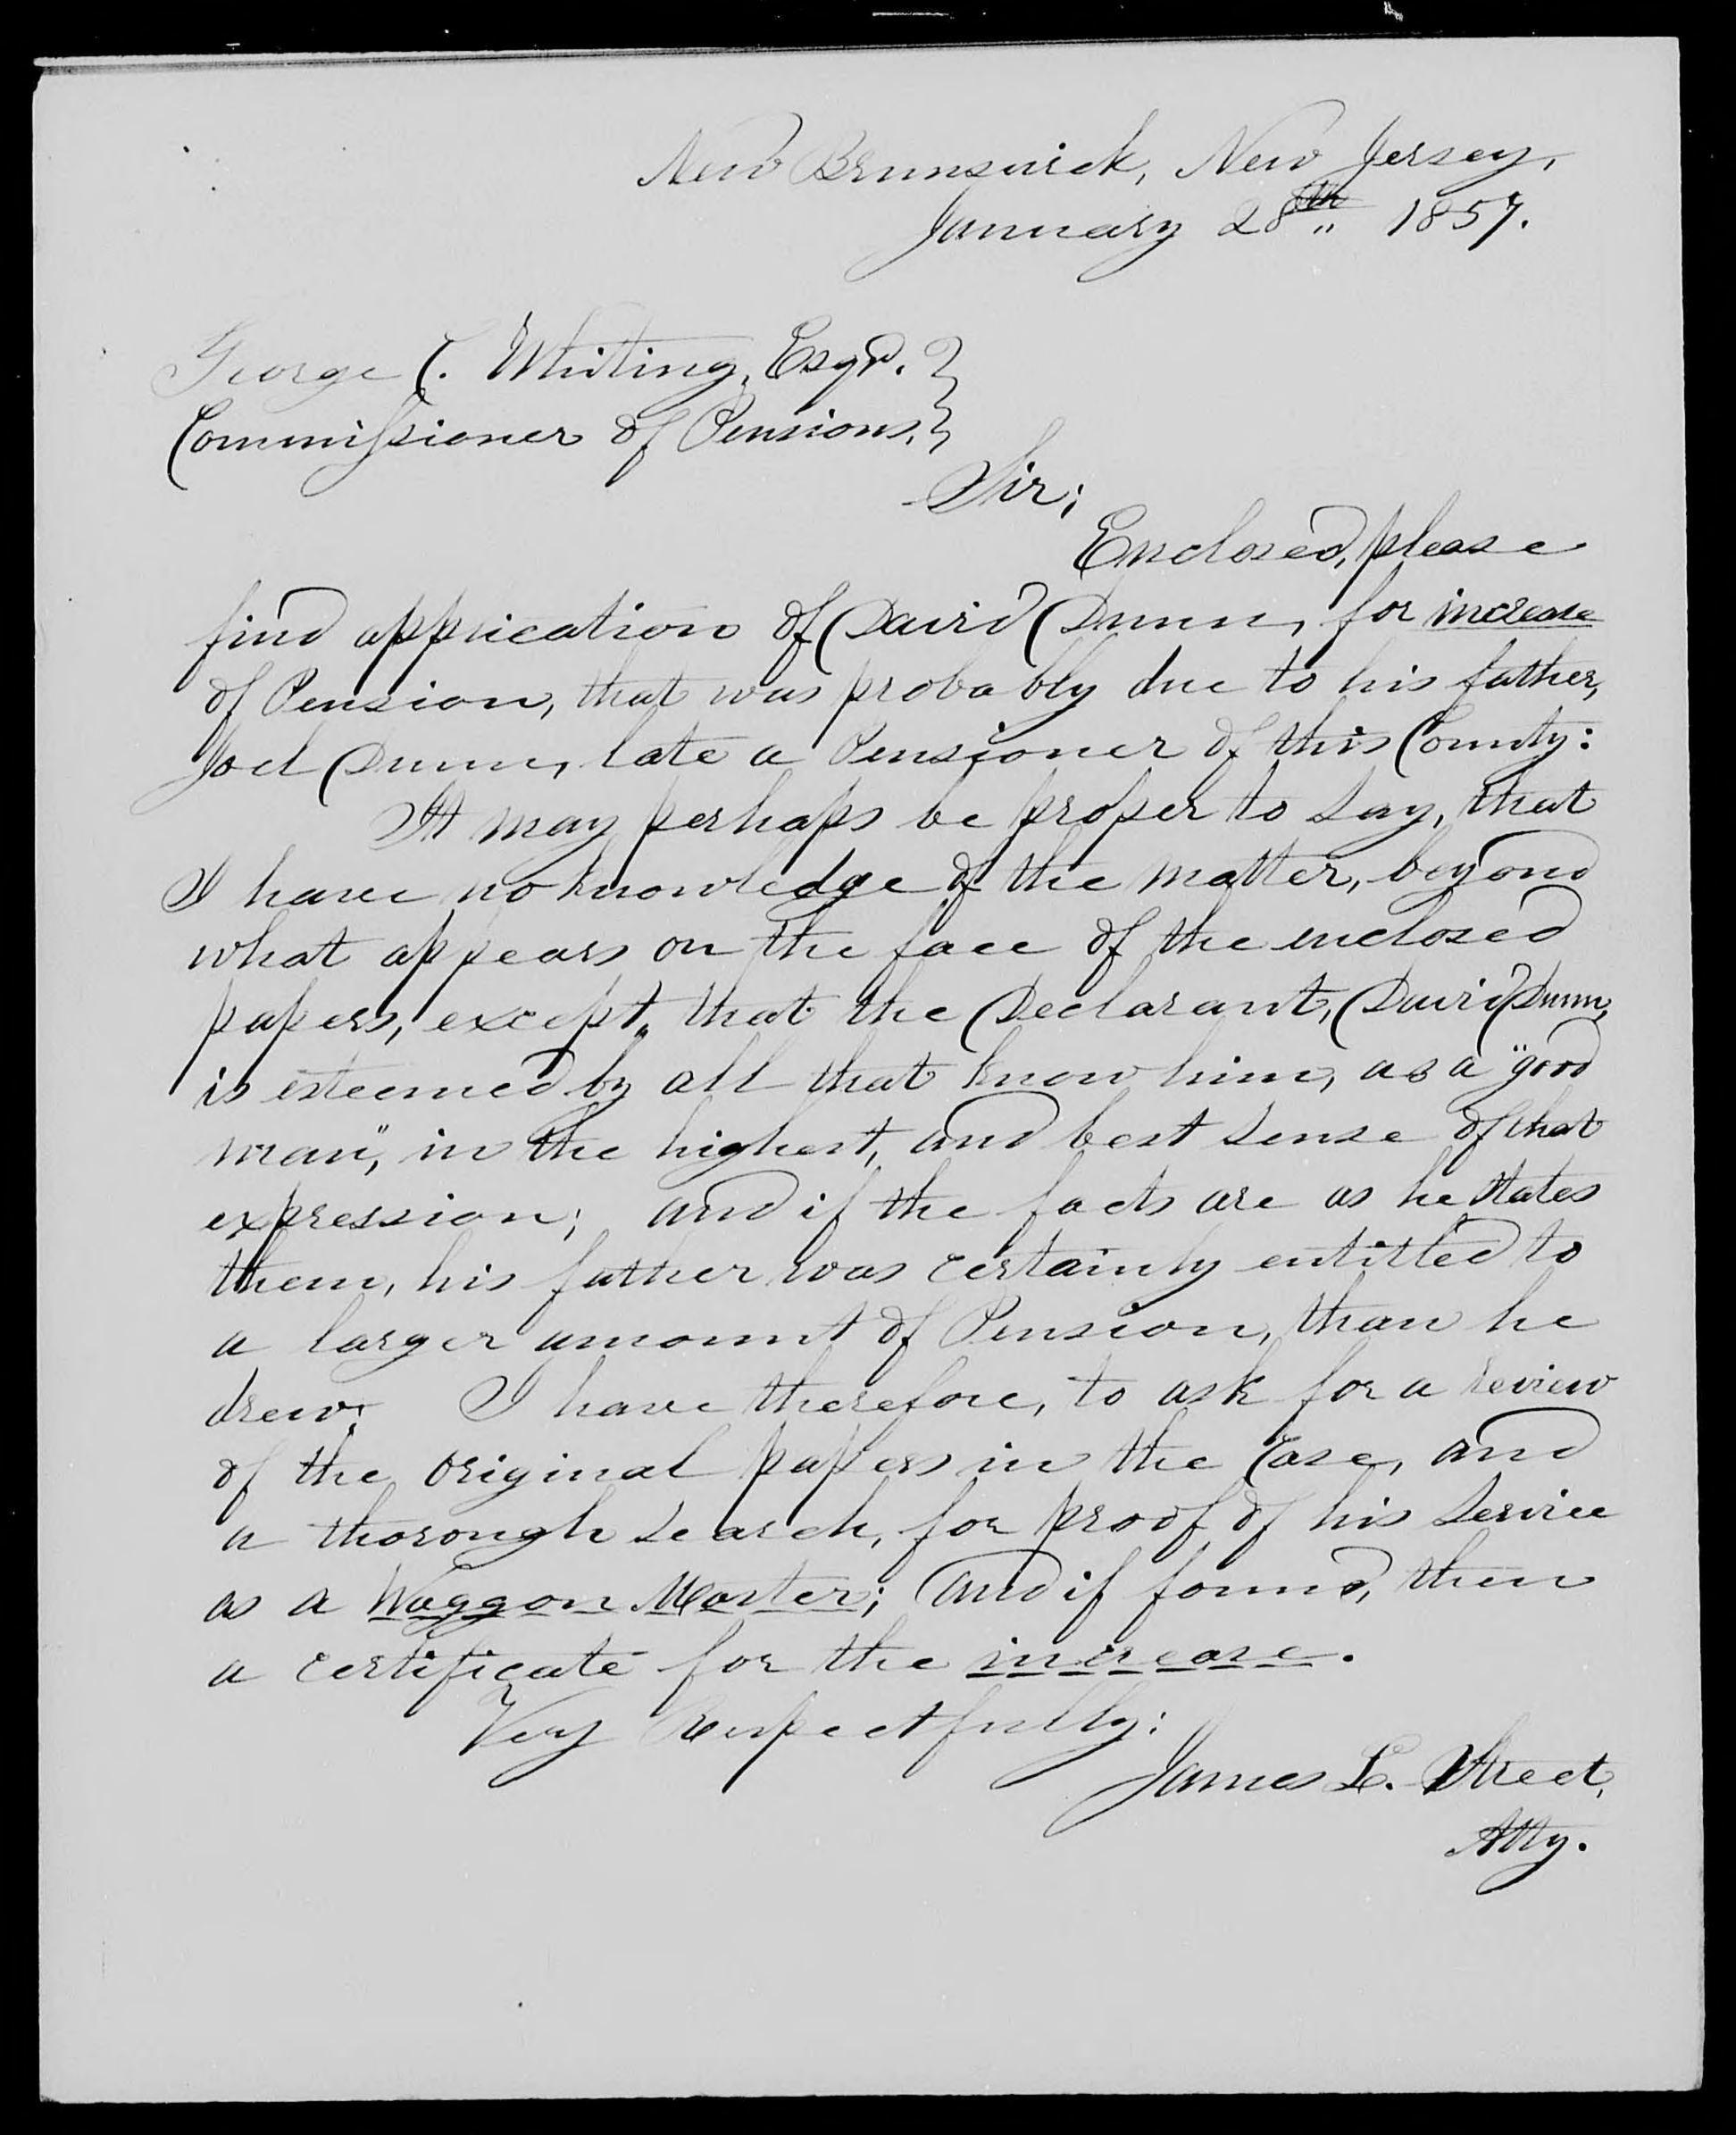New Brunswick, New Jersey,
January 28th 1857.

George C. Whiting Esqr. ⎬
Commissioner of Pensions }

Sir,

Enclosed please find application of David Dunn, for increase of Pension, that was probably due to his father, Joel Dunn late a Pensioner of this County:

It may perhaps be proper to sat, that I have no  knowledge of the matter, beyond what appears on the face of the enclosed papers, except that the Declarant, David Dunn is esteemed by all that know him, as a "good man", in the highest, and best sense of that expression; and if the facts are as he states them, his father was certainly entitled to a larger amount of Pension, than he drew.  I have therefore, to ask for a review of the original papers in the case, and a 
thorough search, for proof of his service as a Waggon Master; and if found, then a certificate for the increase.

Very Respectfully.
James L. Street
Atty.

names: Joel Dunn, George C Whiting, David Dunn, James L Street, David Dunn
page: 44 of 52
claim: widow's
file: W. 919, Joel Dunn, New Jersey